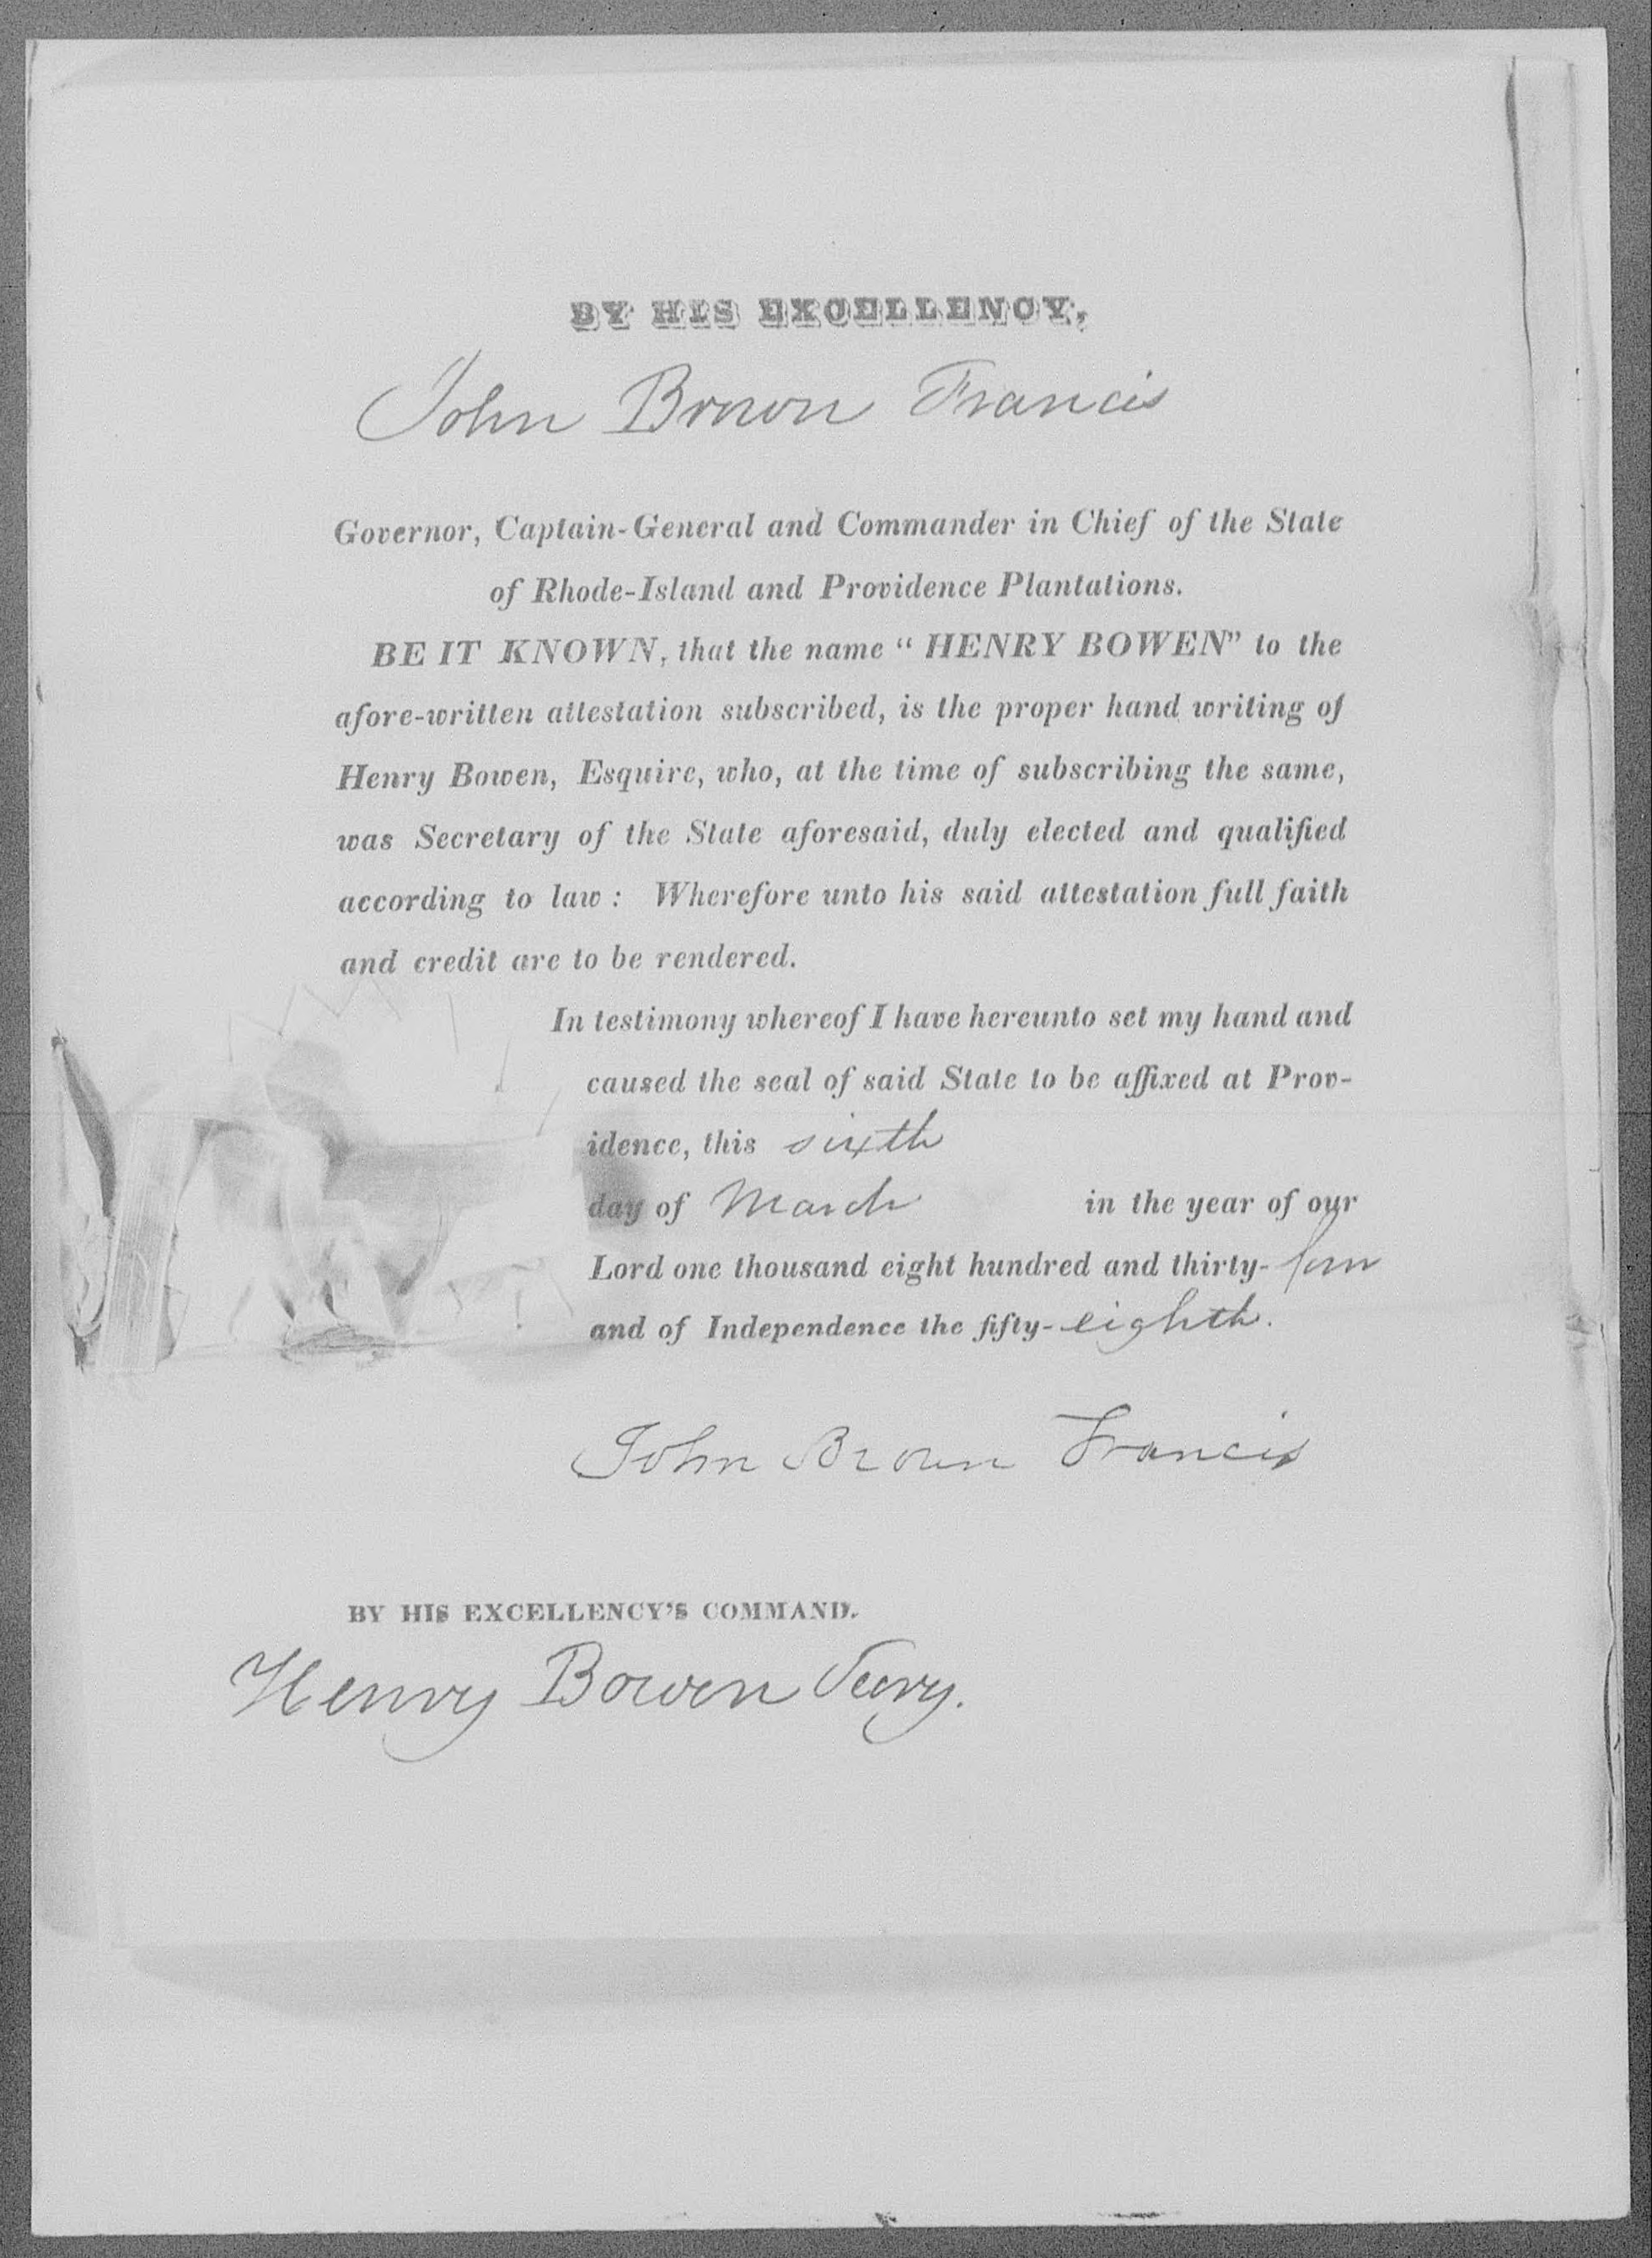John Brown Francis
sixth
March
thirty-four
fifty-eighth
John Brown Francis
Henry Bowen Secry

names: John Brown Francis, John Brown Francis, Henry Bowen, Henry Bowen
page: 37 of 52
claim: widow's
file: W. 18,565, Hezekiah Barker, Continental R.I.